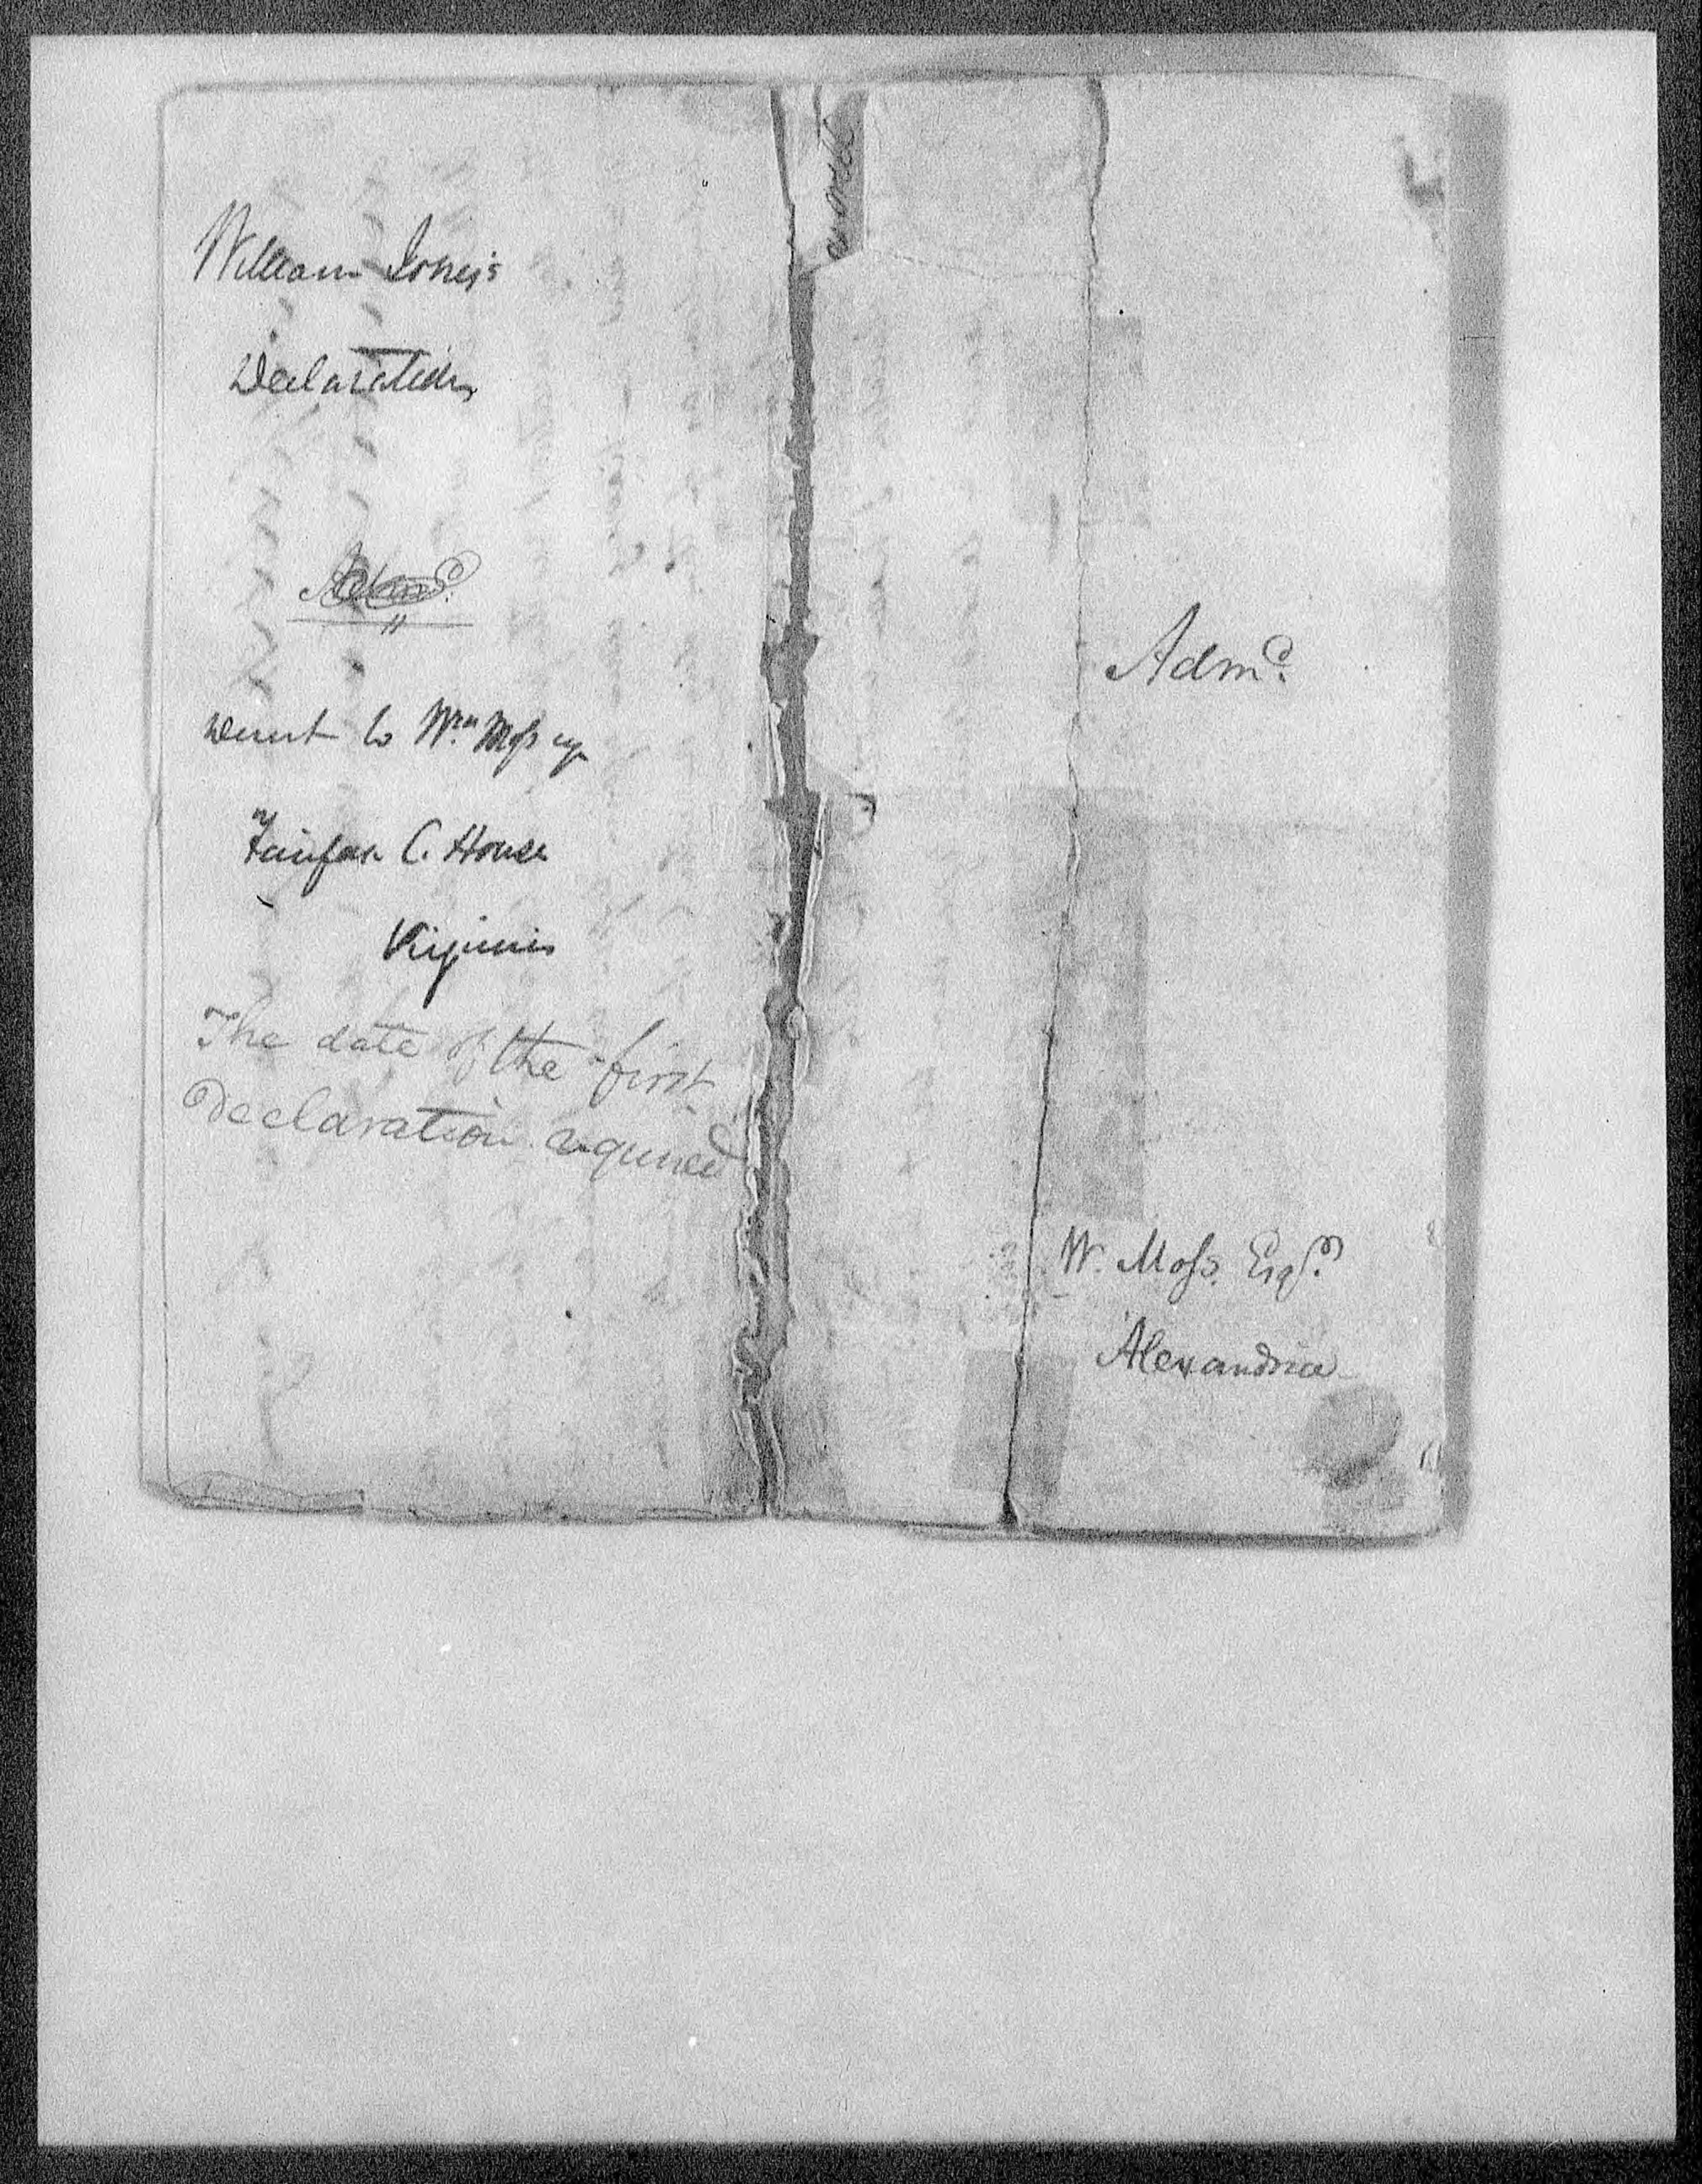[right side of page]
William Jones

Declarations

Adm@. [scribbled over]

 Direct to Wm. Moss esq

Fairfax C. House

Virginia

The date of the first declaration acquired

[left side of page]

Adm@.

W. Moss Esq.
Alexandria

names: Fairfax C House; William Jones; W Moss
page: 15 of 39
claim: widow's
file: W 6292, for William Jones, Maryland